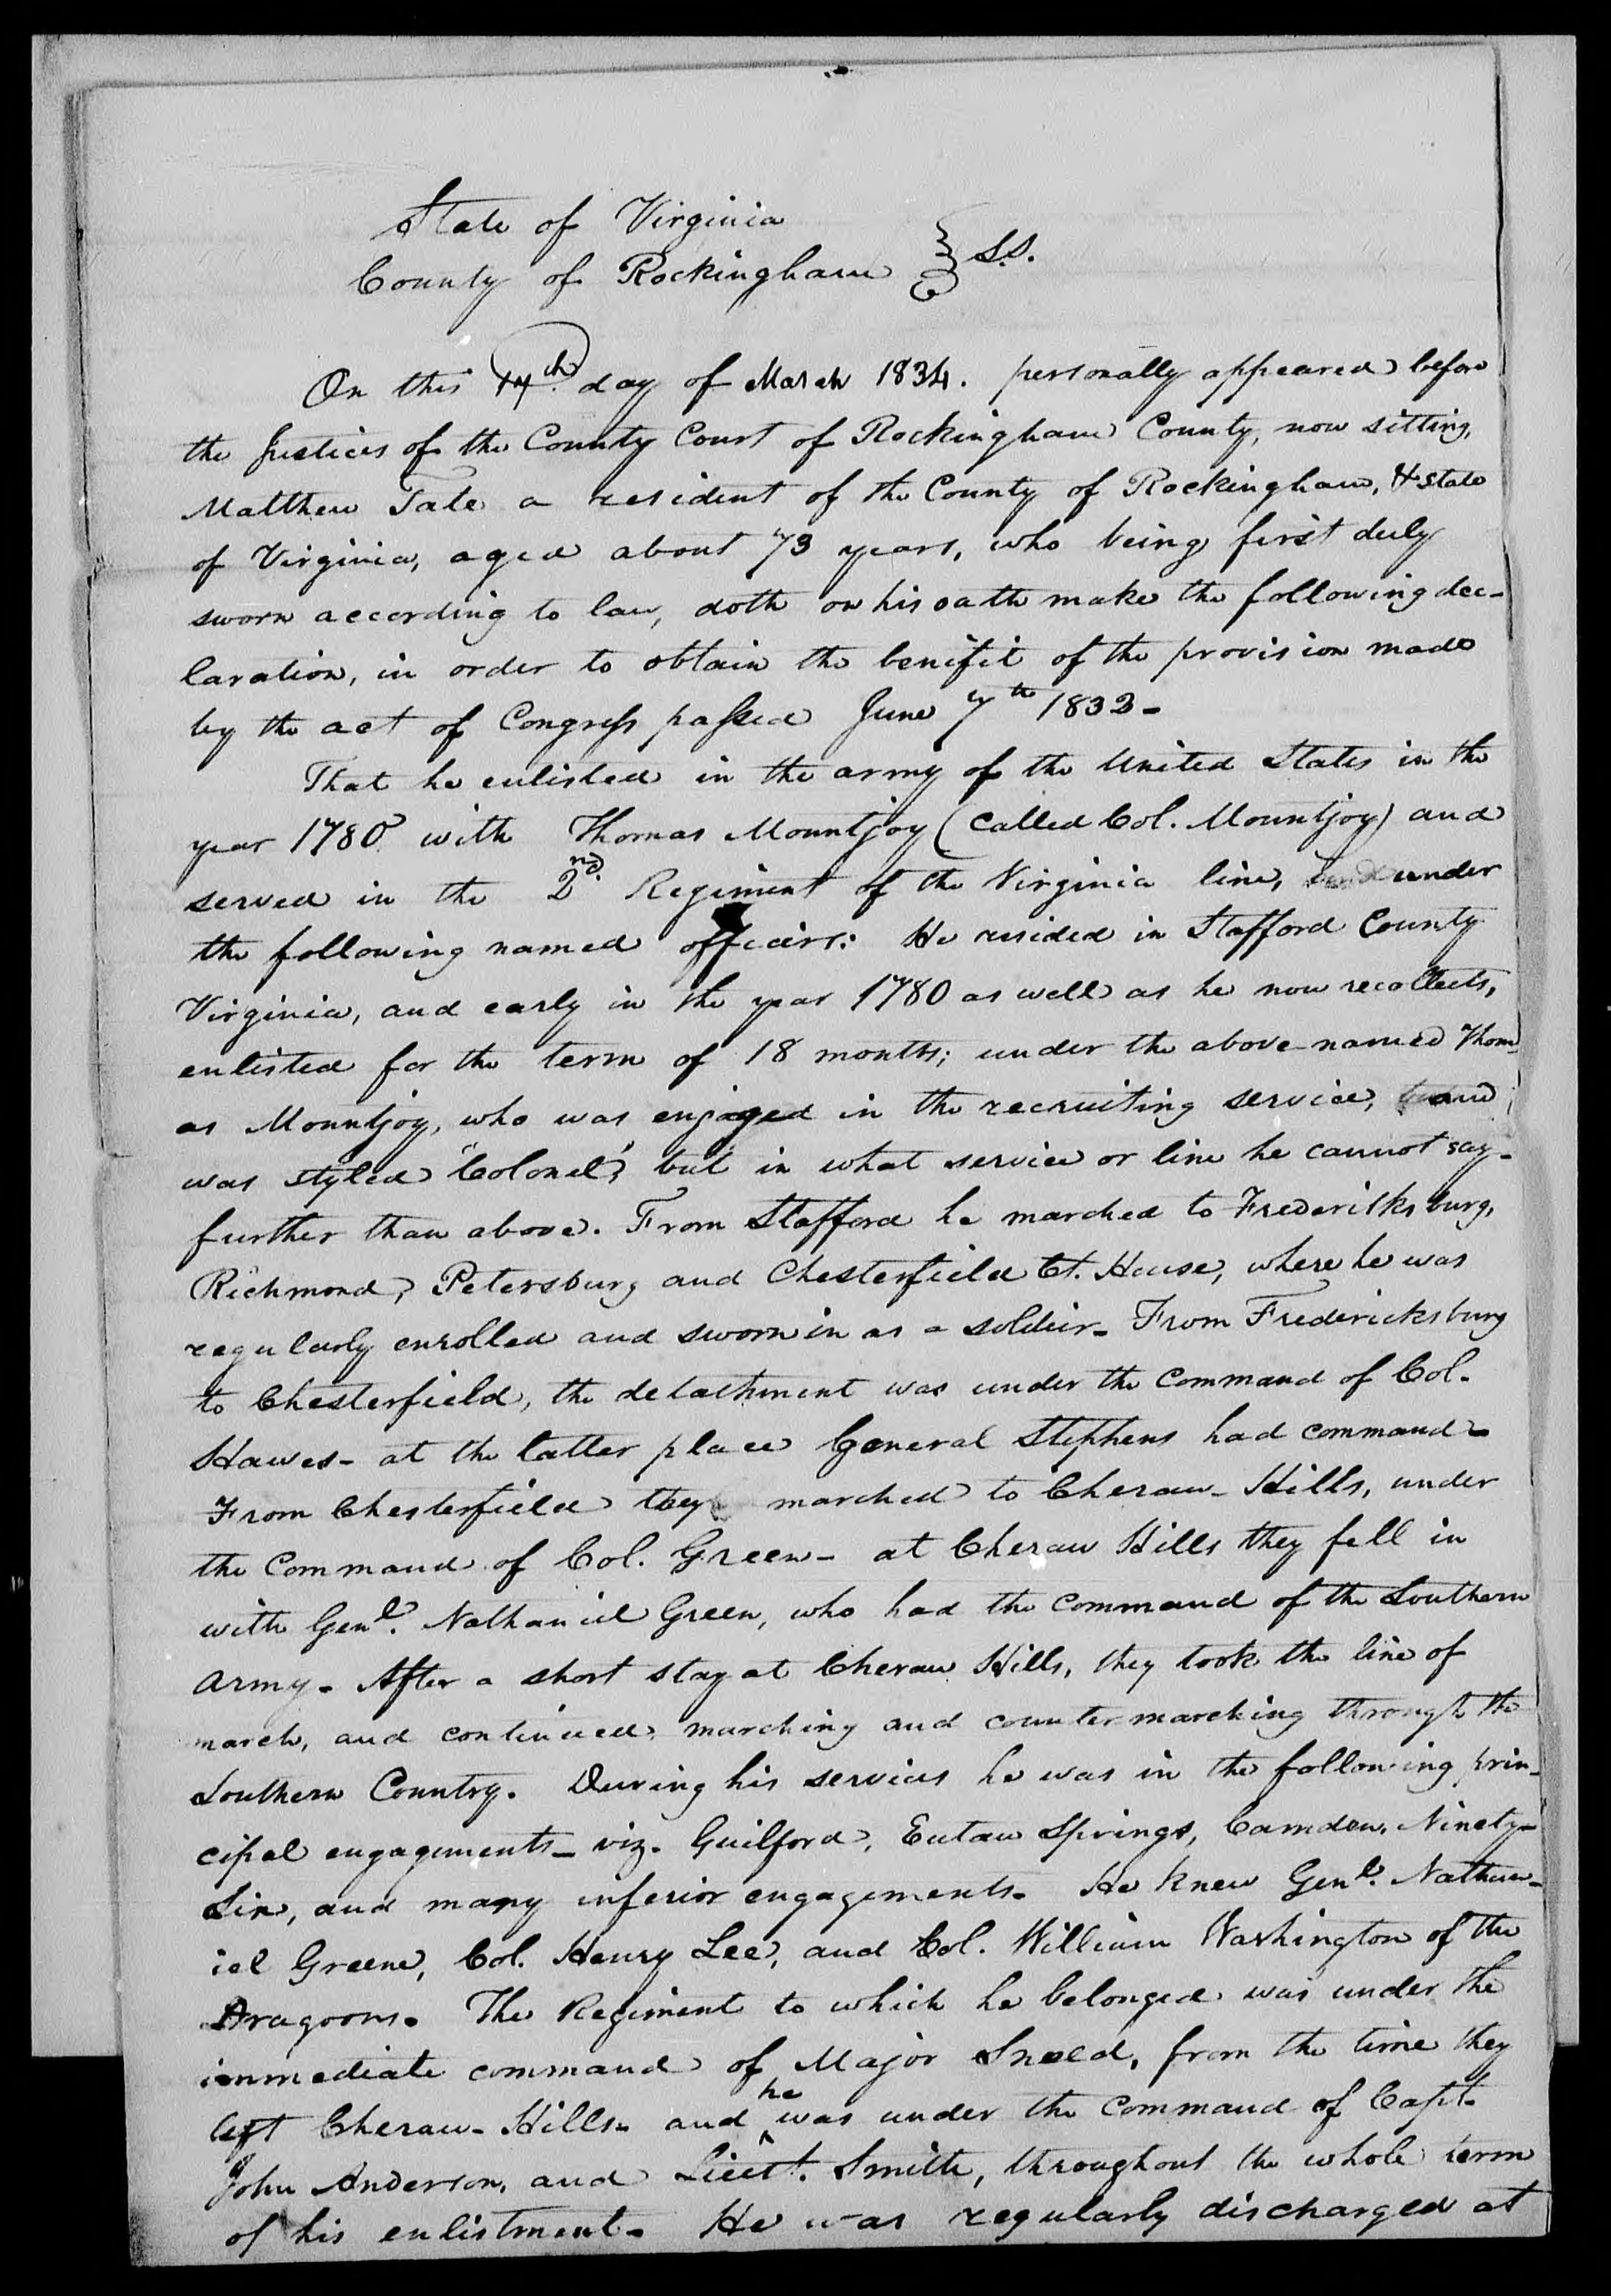State of Virginia
County of Rockingham
On this 17th day of March 1834 personally appeared before
the Justices of the Country Court of Rockingham County, now sitting,
Matthew Tate as resident of the County of Rockingham, State of Virginia, aged 73 years, who being first duty sworn according to law, doth on his oath make the following declaration, in order to obtain the benefit of the provision made
by the act of Congress passed June 7th 1832 -
That he enlisted in the army of the United States in the year 1780 with Thomas Mountjoy(called Col. Mountjoy) and 
served in the 2d Regiment of Virginia line,
under the following named officer
He resided in Stafford County
Virginia, and early in the year 1780 as
well as he now recollects
enlisted for the term of 18 months, under the above named Thom,
as Mountjoy who was engaged in the 
recruiting services , and 
was styled Colonel, but in what
service or line he cannot say further than above
From Stafford he marched to Fredericksburg, Richmond, Petersburg, and Chesterfield Ct. House, where he was regularly enrolled and sworn in as a soldier
From Fredericksburg to Chesterfield, the detachment was under the command of Col. Hawes at the latter place General Stephens had  command 
From Chesterfield they marched to Cheraw Hills, under the command of Col. Greene at Cheraw Hills they fell in with Gen. Nathaniel Green, who had the command of the Southern Army. After a short stay at Cheraw Hills, they took the line of 
March, and continued marching and 
countermarching through the 
Southern Country. During his services he was in the following principal engagements viz. Guilford, Eutaw Springs, Camden, Ninety Six, and many inferior engagements. He knew Gen. Nathan, isl. Greene, and Col. William Washington of the Dragoons. The Regiment to  which he belonged was under the immediate command of Major Sneed, from the time they 
left Cheraw Hills and was under the command of  Capt. John Anderson and Lieut. Smith, throughout the whole term of his enlistment 
He was regularly discharged at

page: 4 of 18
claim: survivor's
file: S. 11,508, for Mathew Tate, Virginia